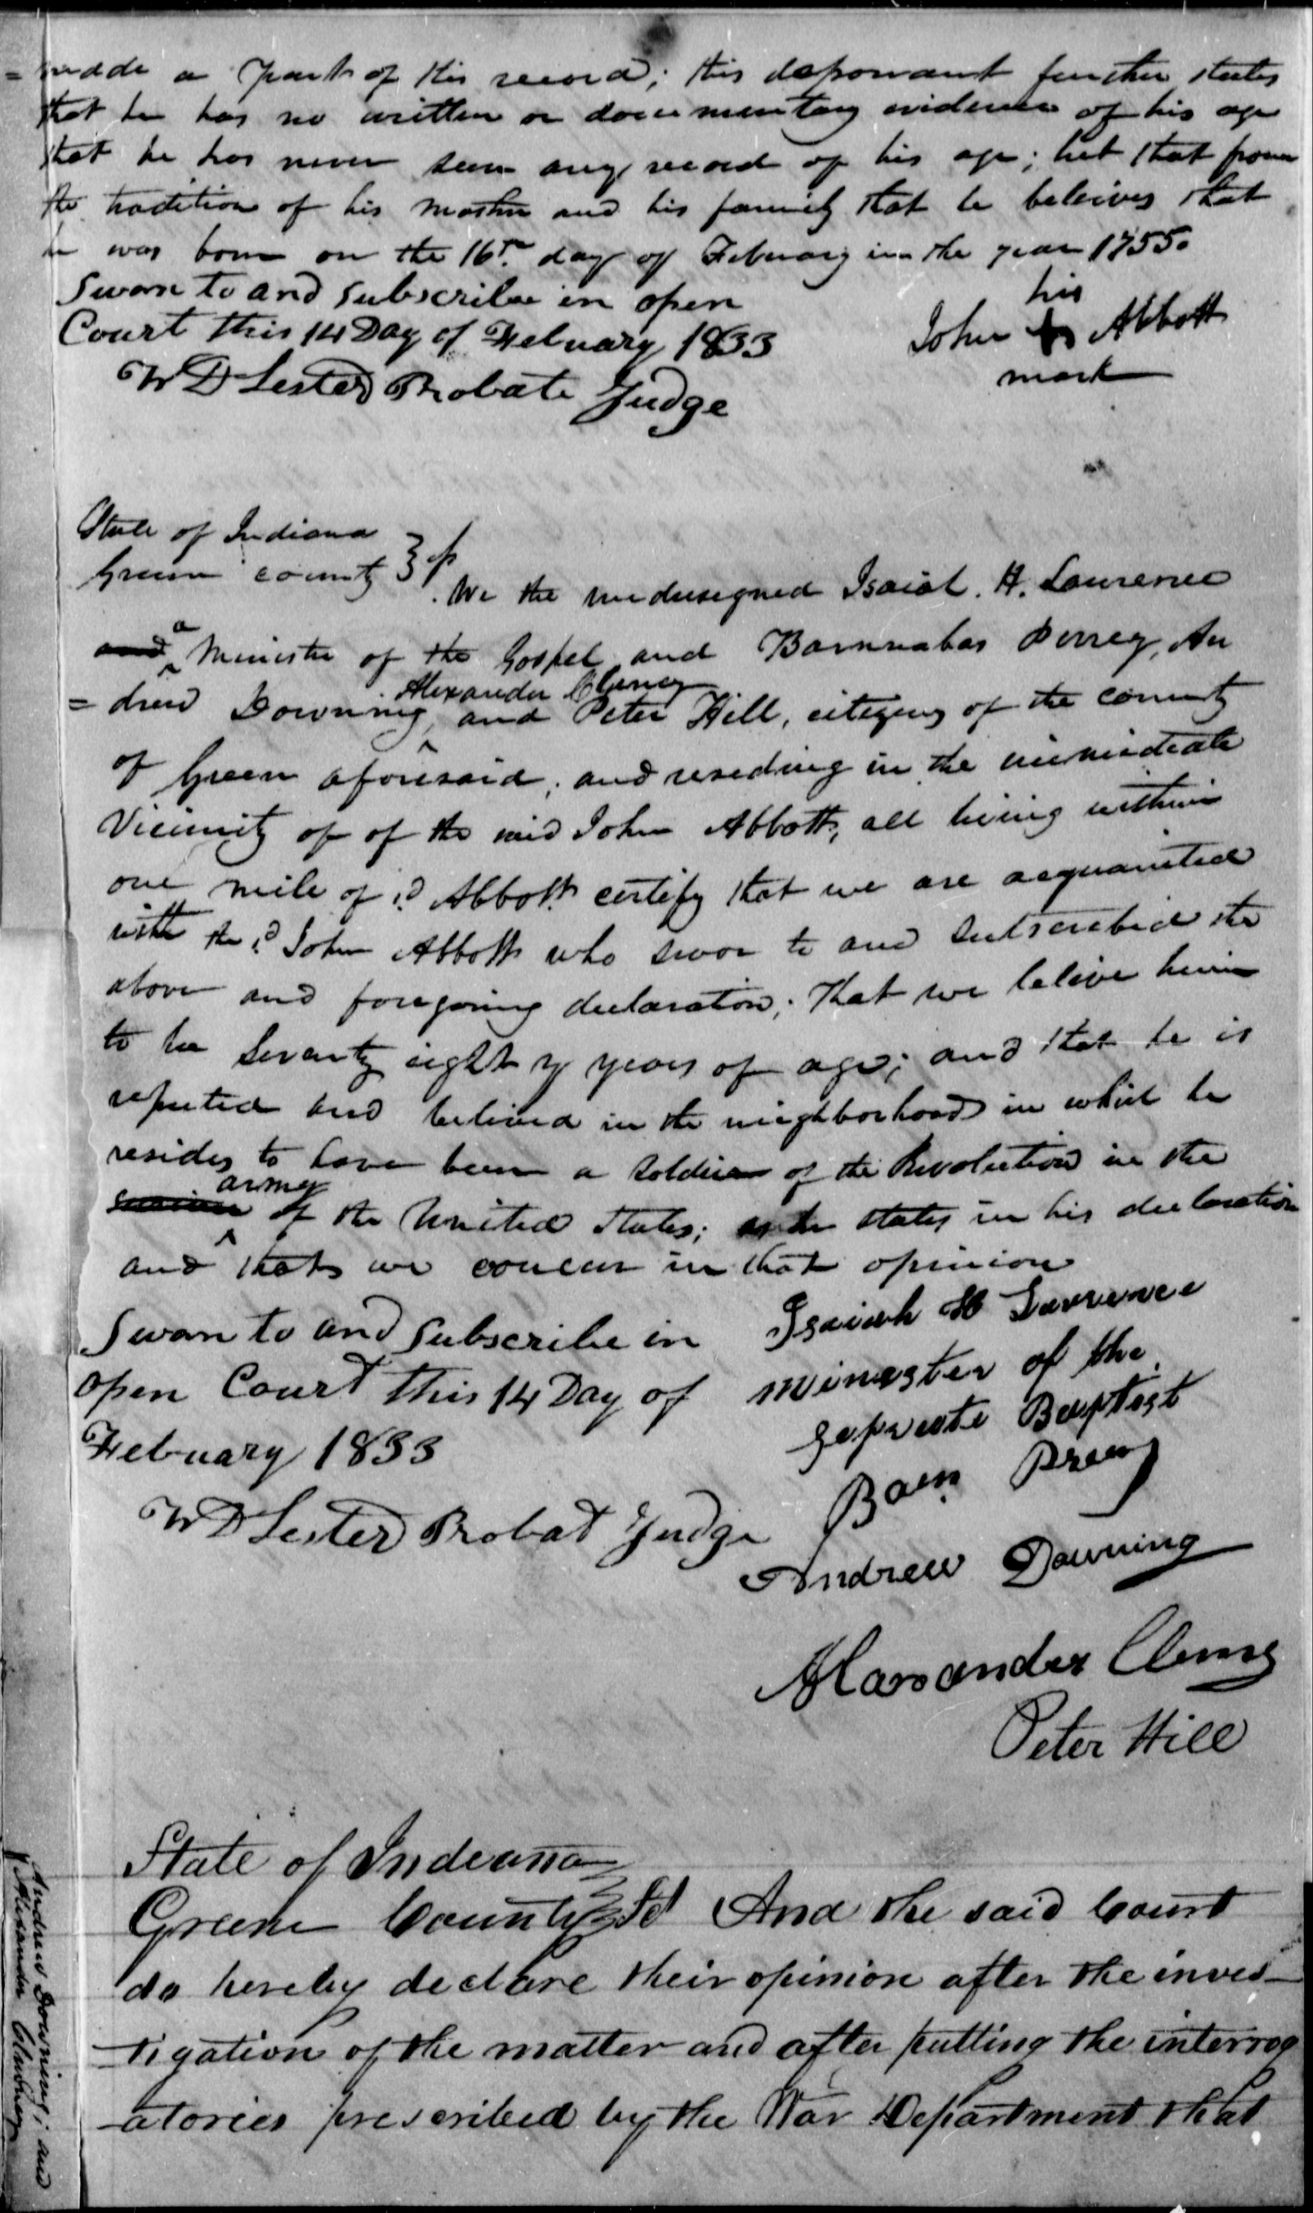made a part of this record; this deponent further states that he has no written or documentary evidence of his [age?] that he has never seen any record of his age; [but?] that from the tradition of his mother and his family that he believes that he was born on the 16th day of February in the year 1755. Sworn to and subscribed in open Court this 14 day of Day of February 1833 WD Lester Probate Judge 
              John [a written mark] his mark Abbott

State of Indiana Green County}
We the undersigned Isaiah H. Laurence a Minister of the Gospel and Barnabas Perry, Andrew Downing, Alexander Cleney, and Peter Hill, citizens of the County of Greene aforesaid, and residing in the [illegible] Vicinity of the mid John Abbott, all living within one mile of sd. Abbott certify that we are acquainted with the sd John Abbott who swore to and subscribed [illegible] above and foregoing declaration; That we believe him to be seventy eight years of age; and that he is expected and believed in the neighborhood in which he resides to have been a soldier of the Revolution in the army of the United States; as he states in his declaration and that we concur in that opinion.
Sworn to and subscribe in open Court this 14 Day of February 1833 W.D. Lester Probate Judge 
Isaiah H Laurence Minister of the [Separate?] Baptist
Barn Perry 
Andrew Downing
Alexander Cleney
Peter Hill

State of Indiana 
Greene County 
And he said Court do hereby declare their opinion after the investigation of the matter and after putting the interrogatories prescribed by the War Department [illegible]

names: Abbott, John Abbott, Alaxander Cleney, Alexander Cleney, W D Lester, John Abbott, Barn Perry, Isaiah H Laurence, Peter Hill, Peter Hill, Isaiah H Laurence, Andrew Downing, W D Lester, John Abbott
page: 5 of 35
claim: survivor's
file: S. 32089, John Abbott, Continental N. C.